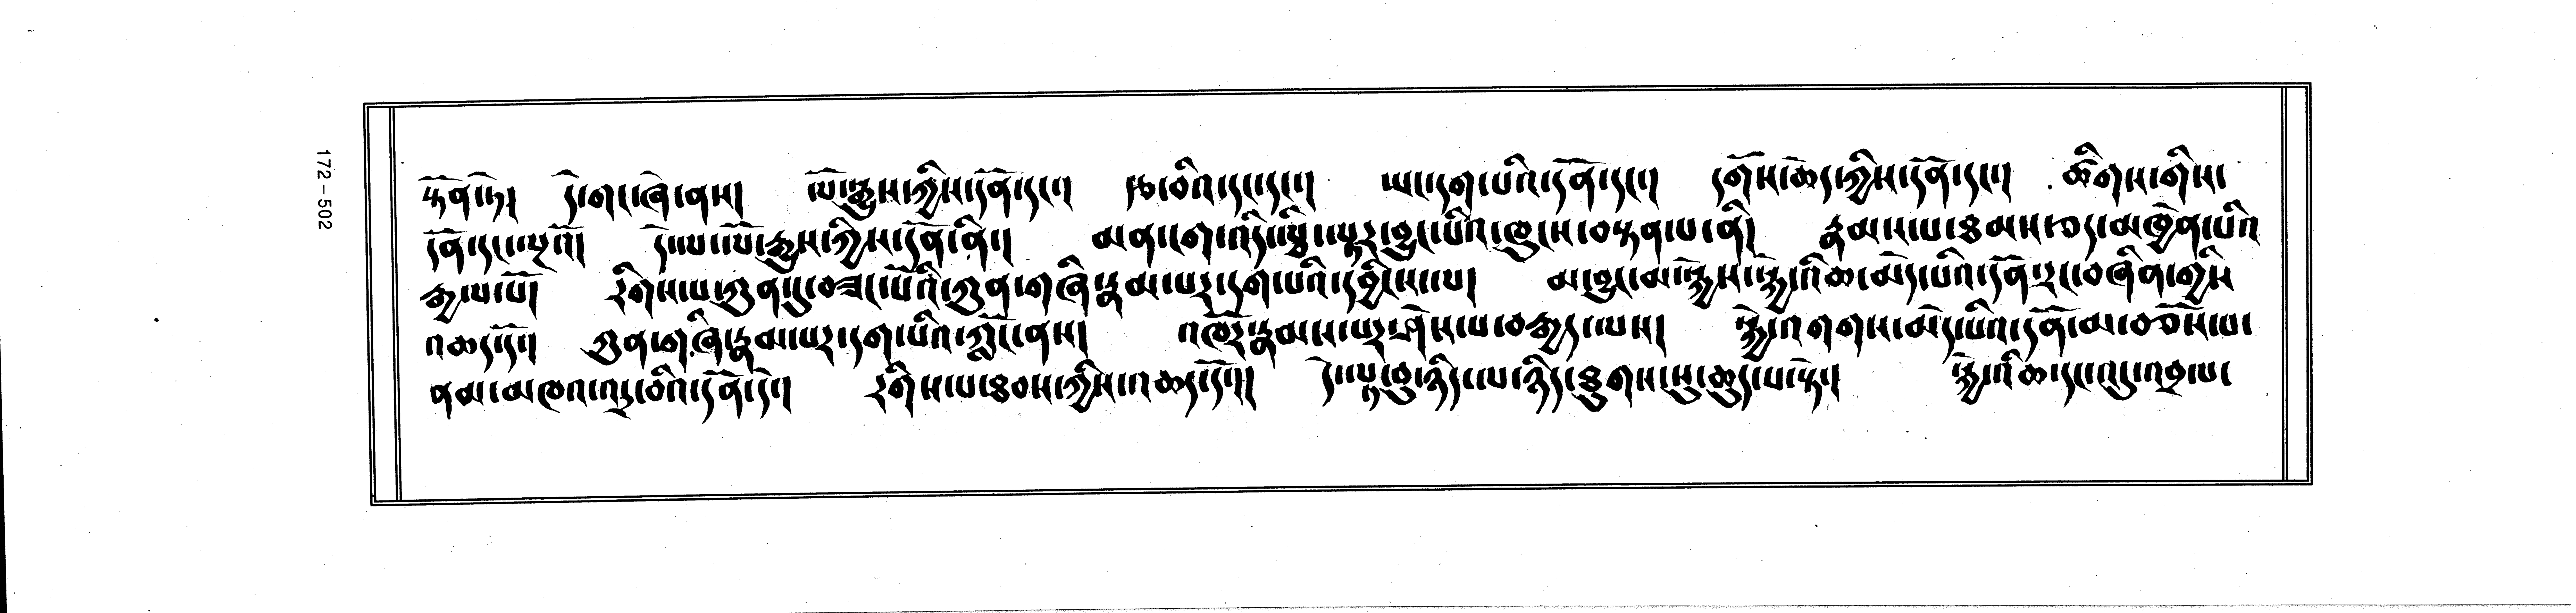སྟོན་ཏེ། དེ་གང་ཞེ་ནས། ལོ་སྒྱུས་ཀྱིས་དོན་དང་། རྩ་བའི་དོན་དང་། ཡང་དག་པའི་དོན་དང་། དགོས་ཆེད་ཀྱིས་དོན་དང་། ཚིག་གིས་
དོན་དང་ལྔའོ། དེ་ལ་ལོ་རྒྱུས་ཀྱིས་དོན་ནི། མན་ངག་འདི་ལྕི་ལྟར་བྱུང་པའི་ཁུངས་བསྟན་པ་ནི། རྣམ་པ་ཐམས་ཅད་མཁྱེན་པའི་
རྒྱལ་པོ། རིག་པ་ཀུན་ཏུ་བཟང་པོའི་ཀུན་གཞི་རྣམ་པར་དག་པའི་དབྱིངས་ལ། མ་བྱུང་མ་སྐྱེས་སྐྱེ་འཆི་མེད་པའི་དོན་རང་བཞིན་གྱིས་
འཆད་དོ། ཀུན་གཞི་རྣམ་པར་དག་པའི་ཀློང་ནས། འཁོར་རྣམ་པར་ཤེས་པ་བརྒྱད་ལས། སྐྱེ་འགགས་མེད་པའི་དོན་མ་བཅོས་པ་
ནམ་མཁའ་འདྲ་བའི་དོན་དེ། རིག་པ་ཐབས་ཀྱིས་འཆད་དོ། དེ་ལྟ་བུ་ཉིད་ལ་ཉིད་ཐུགས་སུ་ཆུད་པ་སྟེ། སྐྱེ་འཆི་དང་འདུ་འབྲལ་